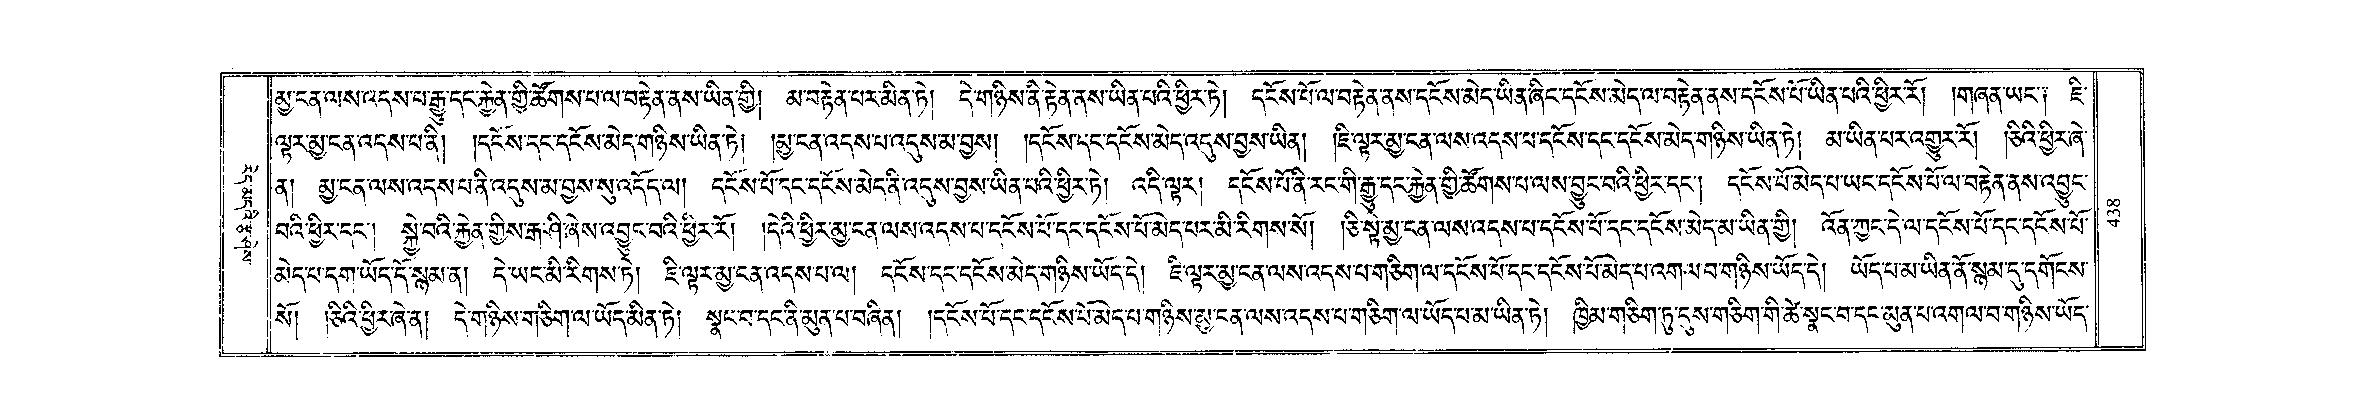མྱ་ངན་ལས་འདས་པ་རྒྱུ་དང་རྐྱེན་གྱི་ཚོགས་པ་ལ་བརྟེན་ནས་ཡིན་གྱི། མ་བརྟེན་པར་མིན་ཏེ། དེ་གཉིས་ནི་རྟེན་ནས་ཡིན་པའི་ཕྱིར་ཏེ། དངོས་པོ་ལ་བརྟེན་ནས་དངོས་མེད་ཡིན་ཞིང་དངོས་མེད་ལ་བརྟེན་ནས་དངོས་པོ་ཡིན་པའི་ཕྱིར་རོ། །གཞན་ཡང་། ཇི་
ལྟར་མྱ་ངན་འདས་པ་ནི། །དངོས་དང་དངོས་མེད་གཉིས་ཡིན་ཏེ། །མྱ་ངན་འདས་པ་འདུས་མ་བྱས། །དངོས་དང་དངོས་མེད་འདུས་བྱས་ཡིན། །ཇི་ལྟར་མྱ་ངན་ལས་འདས་པ་དངོས་དང་དངོས་མེད་གཉིས་ཡིན་ཏེ། མ་ཡིན་པར་འགྱུར་རོ། །ཅིའི་ཕྱིར་ཞེ་
ན། མྱ་ངན་ལས་འདས་པ་ནི་འདུས་མ་བྱས་སུ་འདོད་ལ། དངོས་པོ་དང་དངོས་མེད་ནི་འདུས་བྱས་ཡིན་པའི་ཕྱིར་ཏེ། འདི་ལྟར། དངོས་པོ་ནི་རང་གི་རྒྱུ་དང་རྐྱེན་གྱི་ཚོགས་པ་ལས་བྱུང་བའི་ཕྱིར་དང་། དངོས་པོ་མེད་པ་ཡང་དངོས་པོ་ལ་བརྟེན་ནས་འབྱུང་
བའི་ཕྱིར་དང་། སྐྱེ་བའི་རྐྱེན་གྱིས་རྒ་ཤི་ཞེས་འབྱུང་བའི་ཕྱིར་རོ། །དེའི་ཕྱིར་མྱ་ངན་ལས་འདས་པ་དངོས་པོ་དང་དངོས་པོ་མེད་པར་མི་རིགས་སོ། །ཅི་སྟེ་མྱ་ངན་ལས་འདས་པ་དངོས་པོ་དང་དངོས་མེད་མ་ཡིན་གྱི། འོན་ཀྱང་དེ་ལ་དངོས་པོ་དང་དངོས་པོ་
མེད་པ་དག་ཡོད་དོ་སྙམ་ན། དེ་ཡང་མི་རིགས་ཏེ། ཇི་ལྟར་མྱ་ངན་འདས་པ་ལ། དངོས་དང་དངོས་མེད་གཉིས་ཡོད་དེ། ཇི་ལྟར་མྱ་ངན་ལས་འདས་པ་གཅིག་ལ་དངོས་པོ་དང་དངོས་པོ་མེད་པ་འགལ་བ་གཉིས་ཡོད་དེ། ཡོད་པ་མ་ཡིན་ནོ་སྙམ་དུ་དགོངས་
སོ། །ཅིའི་ཕྱིར་ཞེ་ན། དེ་གཉིས་གཅིག་ལ་ཡོད་མིན་ཏེ། སྣང་བ་དང་ནི་མུན་པ་བཞིན། །དངོས་པོ་དང་དངོས་པོ་མེད་པ་གཉིས་མྱ་ངན་ལས་འདས་པ་གཅིག་ལ་ཡོད་པ་མ་ཡིན་ཏེ། ཁྱིམ་གཅིག་ཏུ་དུས་གཅིག་གི་ཚེ་སྣང་བ་དང་མུན་པ་འགལ་བ་གཉིས་ཡོད་